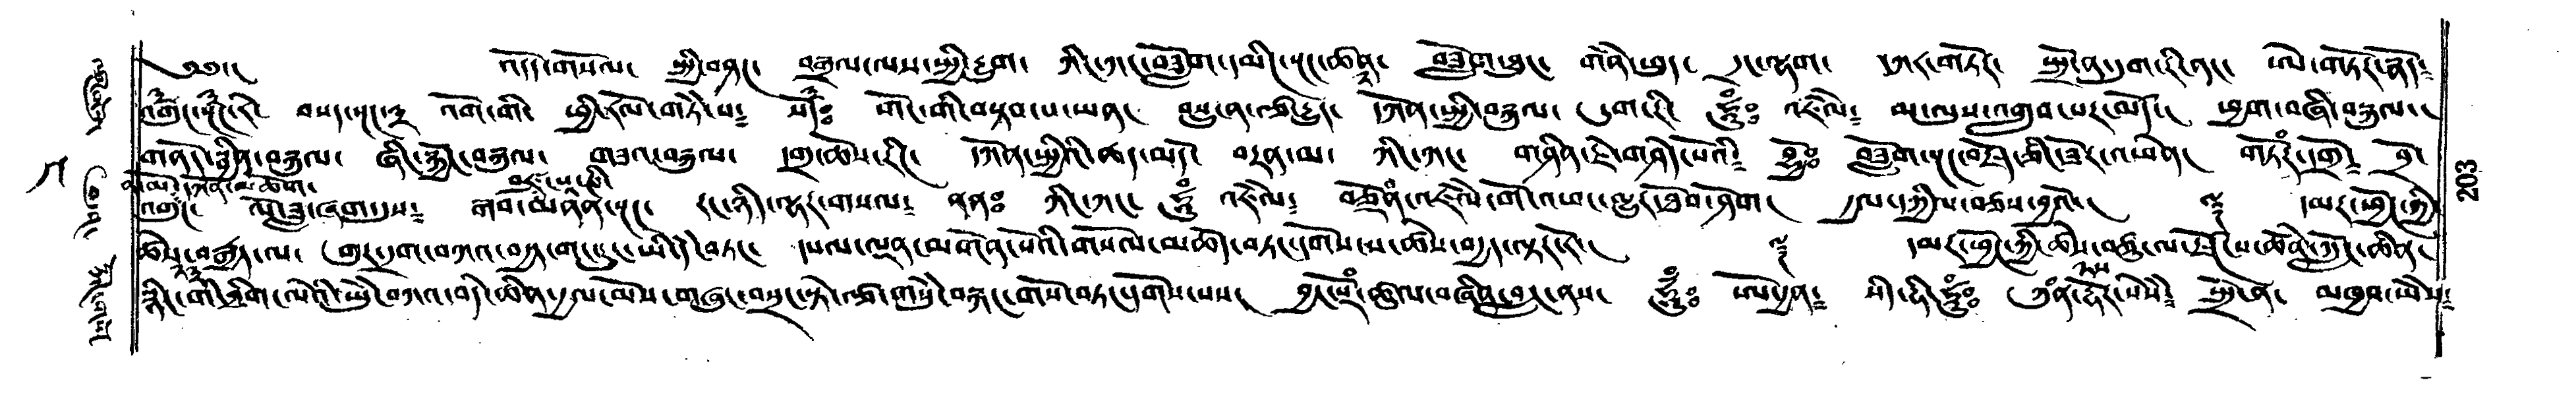འདོད་གསོལ། སྤྱི་བཤགས། སྒྲོལ་ལས་སྤྱི་རྒྱུག ཀིང་ཀང་ཟློག་དམིགས་སྔགས་ཚན་གཉིས། ཟློག་ཐུང་། གནམ་ཕུད། དྲང་ལྷག དཀར་གཏོར། སྤྲོ་ན་དུག་རིའི་ནང་གིཨེཿགཏོར་སྣོད༴ 
འགུགས་པ་སྔགས་གསུམ་རེ། བསད་སྔགས་གསུམ། འོག་གི ཕྱི་རོལ་གཏམ༴ སོད་གསུམ། གོང་གི་བསྟབ་པ་ཡན། བསྡུ་ན་རྩ་རྒྱུད། དཀོན་སྤྱིའི་བསྐུལ། དུག་རི། ཧཱུྃ༔ འཇམ་དཔལ༴ མ་ལུས་འགྲུབ་པར་མཛོད༔ ཕྱག་བཞིའི་བསྐུལ། 
གནོད་སྦྱིན་བསྐུལ། ཞིང་སྐྱོང་བསྐུལ། གཟའ་བསྐུལ། དགྲ་ཆོས་རིགས། དཀོན་སྤྱིའི་ཆད་ཐོ། བརྟན་མ། ཀིང་ཀང་། གཤིན་རྗེ་གཤེད་པོའི༴ བྷྱོ༔ ཟློག་སྔགས་བརྗོད་ཅིང་ཟོར་འཕེན། གཏོར་མ་དགྲ༴ བྲོ་
འགུགས། ལོ་ཟླ་ཞག་དུས༴ སྒབ་མནན་སྔགས། རང་ཉིད་ལྷར་གསལ༴ ནན༔ ཀིང་ཀང་། ཧཱུྃ༔ འཇམ་དཔལ༴ བཅོམ་ལྡན་འཇམ་དཔལ་གོ་འཕང་མྱུར་ཐོབ་ཤོག༔ རྒྱལ་དཀྱིལ་འཁོར༴བཅས་བྱའོ། ༈ དམར་ཕྱོགས་ཀྱི་
ཚེས་ཉེར་གསུམ་ལ། གུར་དྲག་བཀའ་བརྒྱད་ཡི་དམ་གང་རུང་བཏང་། དཔལ་ལྡན་མགོན་པོའི་གསོལ་མཆོད་གཏོང་དགོས་ན་ཚེས་བརྒྱད་ལྟར་རོ། ༈ དམར་ཕྱོགས་ཀྱི་ཚེས་ཉེར་ལྔ་ལ་རྫོགས་པ་ཆེན་པོ་ཀློང་ཆེན་
སྙིང་གི་ཐིག་ལེའི་ཡུམ་ཀ་བདེ་ཆེན་རྒྱལ་མོས་གཞུང་བསྲངས་སྟེ་རྩ་གསུམ་སྐོང་གསོ་གཏོང་དགོས་པས། བྱང་སྡོམ་ཚུལ་བཞིན་བླངས་ནས། ཧཱུྃ༔ ཨོ་རྒྱན༴ སིད་དྡྷི་ཧཱུྃཿ ཀུན་བཟང་རྡོར་སེམས༴ སྤྲོ་ན། མཁའ་ཁྱབ་ཡེ་ཤེས༴